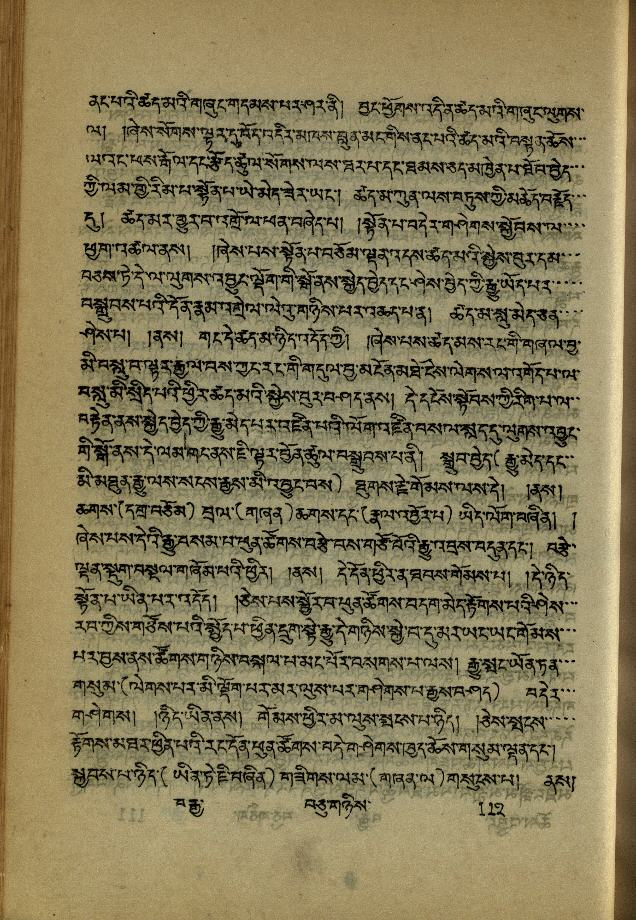ནང་པའི་ཚད་མའི་གཞུང་གདམས་པར་ཤར་ནི། བྱང་ཕྱོགས་འདི་ན་ཚད་མའི་གཞུང་ལུགས་
ལ། །ཞེས་སོགས་ལྟར་དུ་བོད་འདིར་མཁས་བླུན་མང་གིས་ནང་པའི་ཚད་མའི་བསྟན་ཆོས་
ལའང་ཕས་རྒོལ་དང་རྩོད་ཚུལ་སོགས་ལས་ཐར་པ་དང་ཐམས་ཅད་མཁྱེན་པ་ཐོབ་བྱེད་
ཀྱི་ལམ་གྱི་རིམ་པ་སྟོན་པ་ཡེ་མེད་ཟེར་ཡང་། ཚད་མ་ཀུན་ལས་བཏུས་ཀྱི་མཆོད་བརྗོད་
དུ། ཚད་མར་གྱུར་བ་འགྲོ་ལ་ཕན་བཞེད་པ། །སྟོན་པ་བདེར་གཤེགས་སྐྱོབས་ལ་
ཕྱག་འཚལ་ནས། །ཞེས་པས་སྟོན་པ་བཅོམ་ལྡན་འདས་ཚད་མའི་སྐྱེས་བུར་དམ་
བཅས་ཏེ་དེ་ལ་ལུགས་འབྱུང་ལྡོག་གི་སྒོ་ནས་སྐྱེད་བྱེད་དང་ཤེས་བྱེད་ཀྱི་རྒྱུ་ཡོད་པར་
བསྒྲུབས་པའི་དོན་རྣམ་འགྲེལ་ལེའུ་གཉིས་པར་འཆད་པ་ན། ཚད་མ་སླུ་མེད་ཅན་
ཤེས་པ། །ནས། གང་དེ་ཚད་མ་ཉིད་འདོད་ཀྱི། །ཞེས་པས་ཚད་མས་རང་གི་གཞལ་བྱ་
མི་བསླུ་བ་ལྟར་རྒྱལ་བས་ཀྱང་རང་གི་གདུལ་བྱ་མངོན་མཐོ་ངེས་ལེགས་ལ་འགོད་པ་ལ་
བསླུ་མི་སྲིད་པའི་ཕྱིར་ཚད་མའི་སྐྱེས་བུར་བཤད་ནས། དེ་དངོས་སྟོབས་ཀྱི་རིག་པ་ལ་
བརྟེན་ནས་སྐྱེད་བྱེད་ཀྱི་རྒྱུ་མེད་པར་འཛིན་པའི་ལོག་འཛིན་བསལ་སླད་དུ་ལུགས་འབྱུང་
གི་སྒོ་ནས་དེ་ལམ་གང་ནས་ཇི་ལྟར་བྱོན་ཚུལ་བསྒྲུབས་པ་ནི། སྒྲུབ་བྱེད་རྒྱུ་མེད་དང་
མི་མཐུན་རྒྱུ་ལས་སངས་རྒྱས་མི་འབྱུང་བས་ཐུགས་རྗེ་གོམས་ལས་དེ། །ནས།
ཆགས་དགྲ་བཅོམ་བྲལ་གཞན་ཆགས་དང་རྣལ་འབྱོར་པ་ཡིད་ལོག་བཞིན། །
ཞེས་པས་དེའི་རྒྱུ་བསམ་པ་ཕུན་ཚོགས་བརྩེ་བས་གཙོ་བོའི་རྒྱུ་འབྲས་བདུན་དང་། བརྩེ་
ལྡན་སྡུག་བསྔལ་གཞོམ་པའི་ཕྱིར། །ནས། དེ་དོན་ཕྱིར་ན་ཐབས་གོམས་པ། །དེ་ཉིད་
སྟོན་པ་ཡིན་པར་འདོད། །ཅེས་པས་སྦྱོར་བ་ཕུན་ཚོགས་བདག་མེད་རྟོགས་པའི་ཤེས་
རབ་ཀྱིས་གཙོས་པའི་སྤྱོད་པ་ཕྱིན་དྲུག་སྟེ་རྒྱུ་དེ་གཉིས་སྐྱེ་བ་དུ་མར་ཡང་ཡང་གོམས་
པར་བྱས་ནས་ཚོགས་གཉིས་བསྐལ་པ་མང་པོར་བསགས་པ་ལས། རྒྱུ་སྤང་ཡོན་ཏན་
གསུམ་ལེགས་པར་མི་ལྡོག་པར་མར་ལུས་པར་གཤེགས་པ་རྒྱས་བཤད་བདེར་
གཤེགས། །ཉིད་ཡིན་ནས། གོམས་ཕྱིར་མ་ལུས་སྤངས་པ་ཉིད། །ཅེས་སྤངས་
རྟོགས་མཐར་ཕྱིན་པའི་རང་དོན་ཕུན་ཚོགས་བདེ་གཤེགས་ཁྱད་ཆོས་གསུམ་ལྡན་དང་།
སྐྱབས་པ་ཉིད་ཡིན་ཏེ་ཇི་བཞིན་གཟིགས་ལམ་གཞན་ལ་གསུངས་པ། ནས།